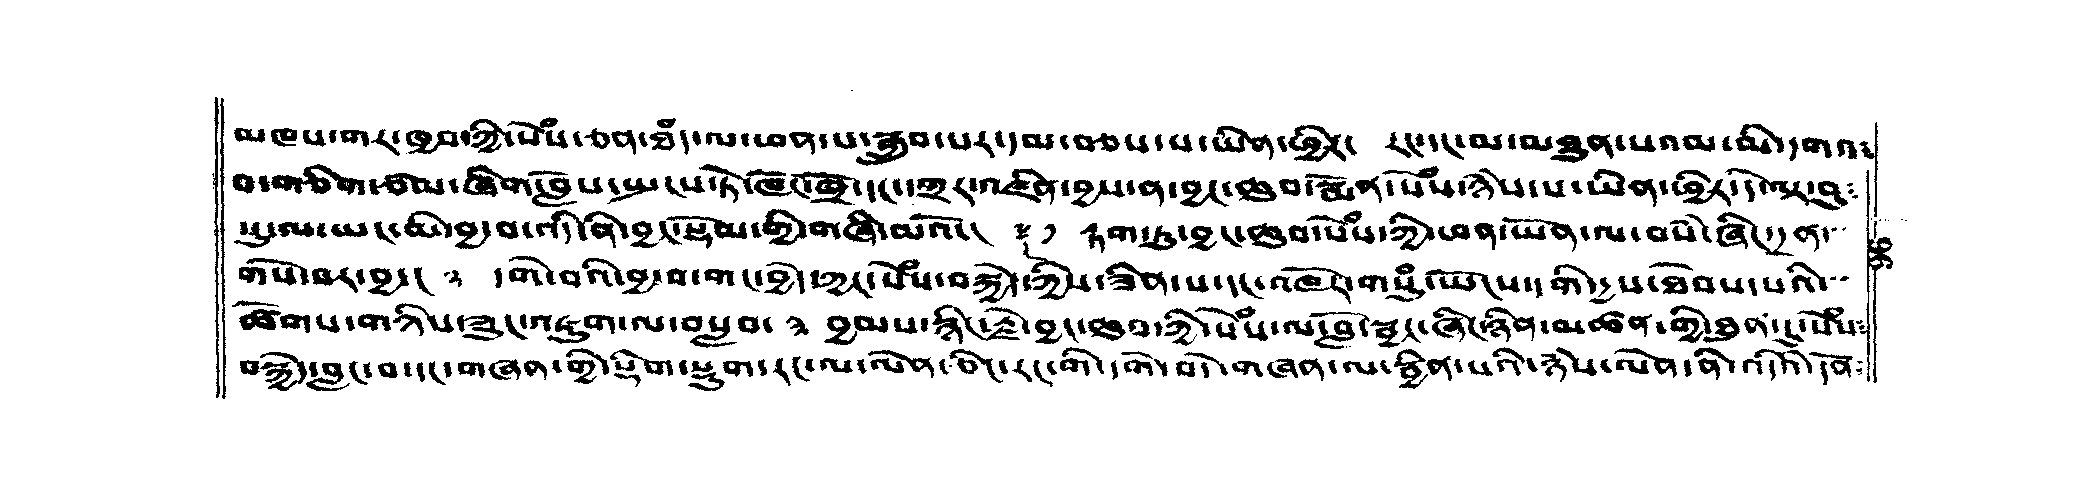མཁས་གར་ཁྱབ་ཀྱི་སེམས་ཅན་ཐམས་ཅད་ལ་ཕན་པ་སྒྲུབ་པར་དམ་བཅས་པ་ཡིན་ཕྱིར། རང་དང་མ་མཐུན་པའམ་མི་དགའ་
བ་གཅིག་ཙམ་ཞིག་བློས་སྤངས་ཏེ་ཁོང་ཁྲོ་དང་དགྲར་འཛིན་བྱས་ན་བྱང་ཆུབ་སྨོན་སེམས་ཉམས་པ་ཡིན་ཕྱིར་དེ་ལྟ་བུ་
སུ་ལ་ཡང་མི་བྱ་བ་འདི་ནི་བྱང་སྡོམ་གྱི་གཞི་མའོ། ༈ རྟག་ཏུ་བྱང་ཆུབ་སེམས་ཀྱི་ཕན་ཡོན་ལ་བསམ་ཞིང་དྲན་
གསོ་བར་བྱ། དགེ་བའི་བྱ་བ་ང་བྱེད་ཀྱང་སེམས་བསྐྱེད་ཀྱིས་ཟིན་པ་དང་འཁོར་གསུམ་ཡོངས་དག་གི་རྒྱས་ཐོབས་པའི་
ཚོགས་གཉིས་ཟུང་འཇུག་ལ་བསླབ། བྱམས་སྙིང་རྗེ་བྱང་ཆུབ་ཀྱི་སེམས་ལ་བློ་སྦྱང་ཞིང་ཉིན་མཚན་གྱི་ཐུན་དུ་སེམས་
བསྐྱེད་བླང་བ་དང་གཞན་གྱི་སྡིག་སྡུག་རང་ལ་ལེན་ཅིང་རང་གི་དགེ་བདེ་གཞན་ལ་སྦྱིན་པའི་ཉམས་ལེན་ནི་འདིའི་དོན་